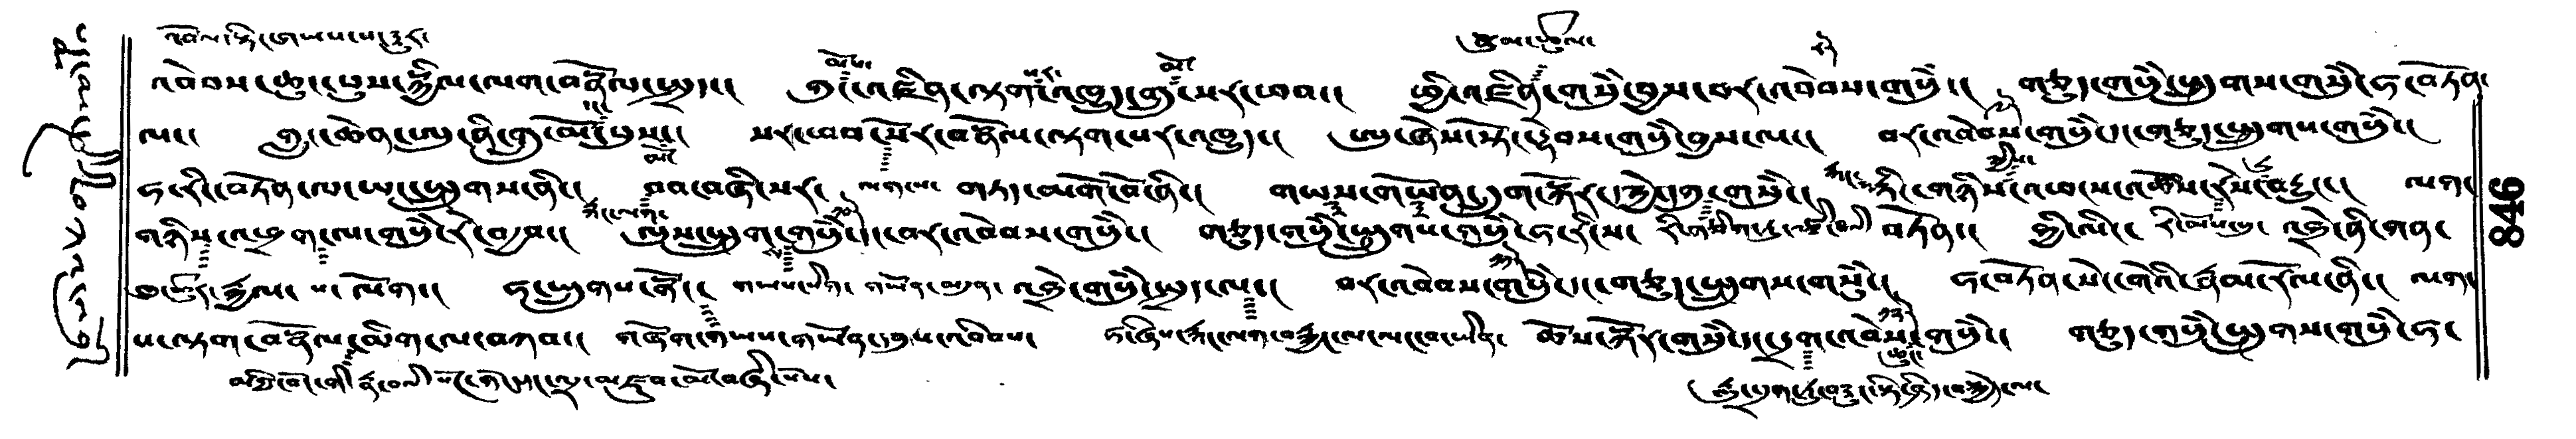།འབེབས་ཆུང་པུས་སྐྱིལ་ལག་བསྣོལ་སྤྲད། །གུང་འཛིན་ལྟག་འཁྱུད་གྲུབ་སར་ཕབ། །ཕྱི་འཛིན་གསུམ་བྱས་བར་འབེབས་གསུམ། །གཅུས་གསུམ་སྤྲུགས་གསུམ་ཧ་བཏོན་
ལ། །གླང་ཆེན་ཨུ་ནི་གྲུ་མོ་པུས། །སར་ཕབ་སོར་བསྣོལ་ལྟག་པར་འཁྱུད། །ཨུ་ཞེས་སྟོང་རྡེབ་གསུམ་བྱས་ལ། །བར་འབེབས་གསུམ་དང་གཅུས་སྤྲུགས་གསུམ། །
ཧ་རིང་བཏོན་ལ་ཡང་སྤྲུགས་ནི། །བབ་བཞི་སར་གཏད་མགོ་བོ་ནི། །གཡས་གཡོན་དྲུག་སྐོར་དགྱེ་སྒུ་གསུམ། །རྟིང་གཉིས་འཕོངས་འཚོས་རེས་སུ་བརྡུང་། །ལག་
གཉིས་འཕྲག་ལ་གསུམ་རེ་བརྒྱབ། །ལུས་སྤྲུགས་གསུམ་དང་བར་འབེབས་གསུམ། །གཅུས་གསུམ་སྤྲུགས་གསུམ་ཧ་རིང་བཏོན། །གྱི་ལིང་འགྲོས་ནི་གན་
རྐྱལ་ལོག།ཧ་སྤྲུགས་སྒོང་འགྲོ་གསུམ་སྤྲད་ལ། །བར་འབེབས་གསུམ་དང་གཅུས་སྤྲུགས་གསུམ། །ཧ་བཏོན་སེང་གེའི་རྣམ་རོལ་ནི། །ལག་
པ་ལྟག་བསྣོལ་མིག་ལ་བཀབ། །ཆོས་སྐོར་གསུམ་དང་དྲག་འབེབས་གསུམ། །གཅུས་གསུམ་སྤྲུགས་གསུམ་ཧ་